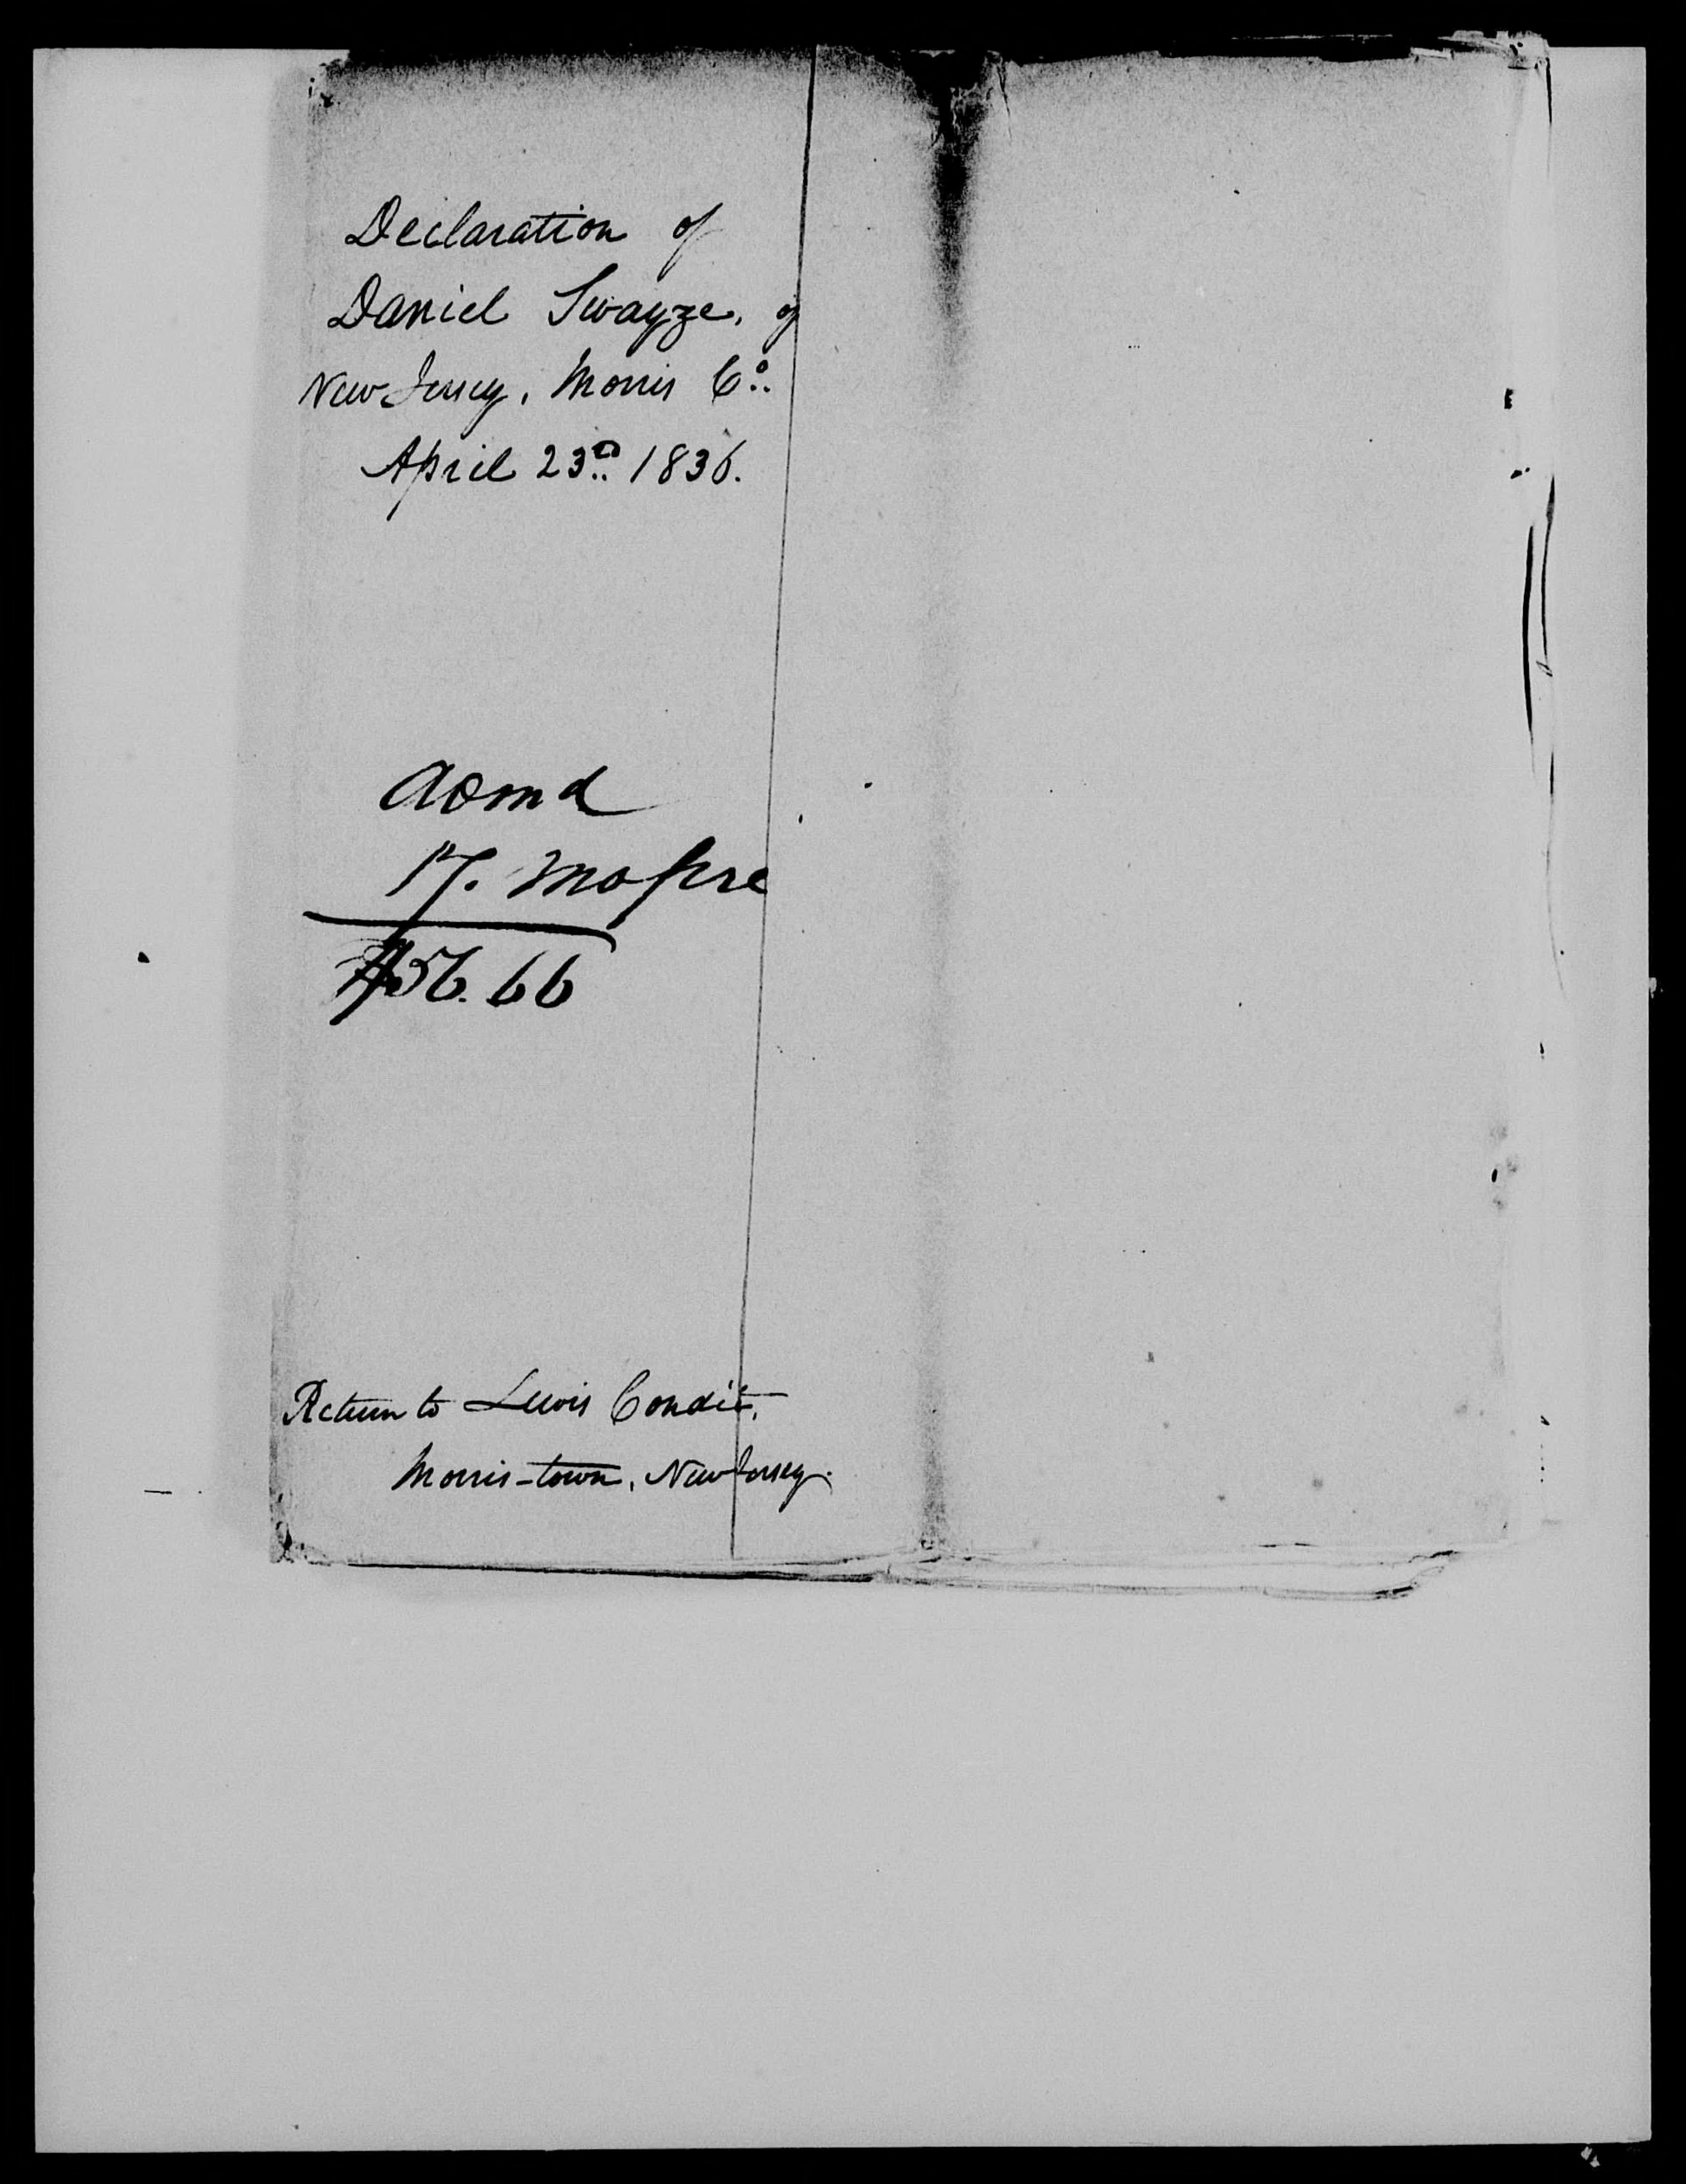Declaration of 
Daniel Swayze, of 
New Jersey, Morris Co.
April 23rd.. 1836
aomd
17. Mopre
$56.66
Return to Lewis Condit
Morris-town, New Jersey.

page: 3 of 20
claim: survivor's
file: S. 4911, for Daniel Swayze, New Jersey